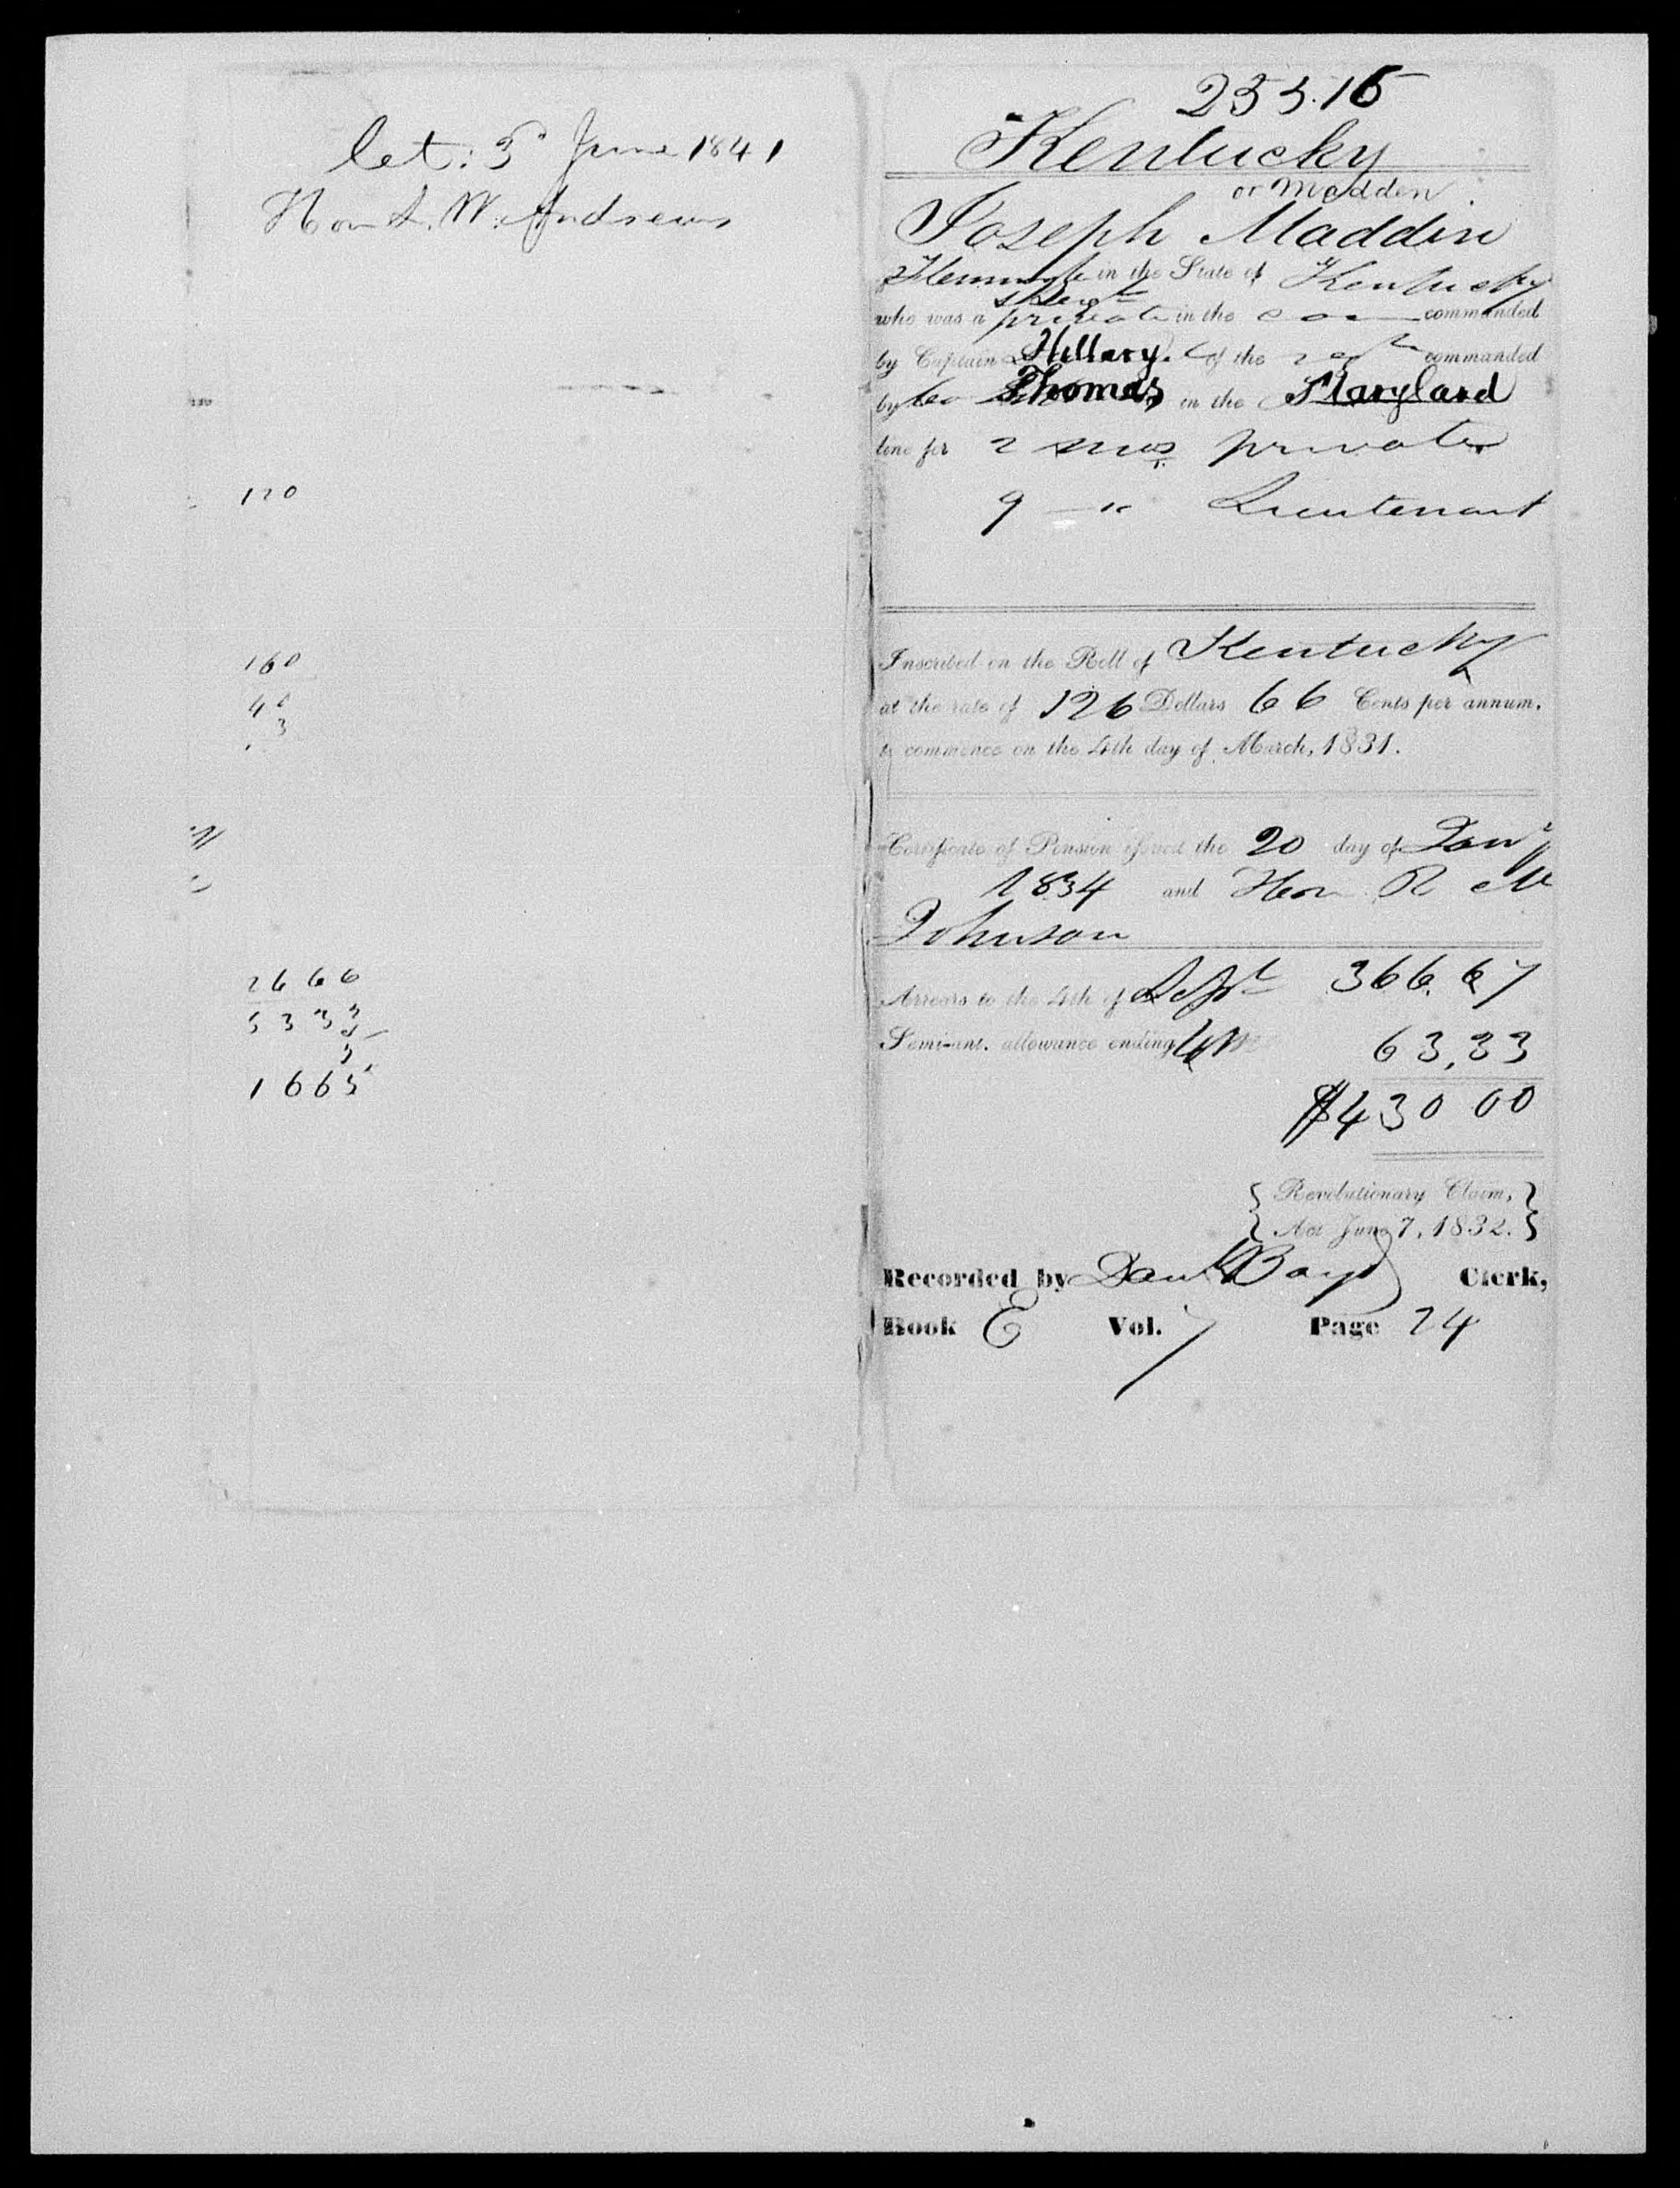let: 3rd June 1841
North W. Andrews
170

160
40
3

2666
6333
5
1665
-
23316
Kentucky
---
Joseph Maddin or Madden
[illegible] in the State of Kentucky
who was a private in the [illegible] commanded by Captain Hillary of the [illegible] commanded by [illegible] Sr Thomas in the Maryland line for [illegible] private 9 Lieutenant
---
Inscribed on the Roll of Kentucky
at the rate of 126 Dollars 66 Cents per annum,
commence on the 4th day of March, 1831
Certificate of Pension issuedthe 20 day of January 1834 and Hon R M Johnson
---
Arr[illegible] to the 4th of September
[illegible] allowance ending [illegible]
366.67
63.33
$430.00
---
{Revolutionary Claim,
Act June 7, 1832}
Recorded by Dan Boyd Clerk, Book E Vol. 7 Page 24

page: 2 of 14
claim: survivor's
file: S 31237, for Joseph Maddin, Maryland